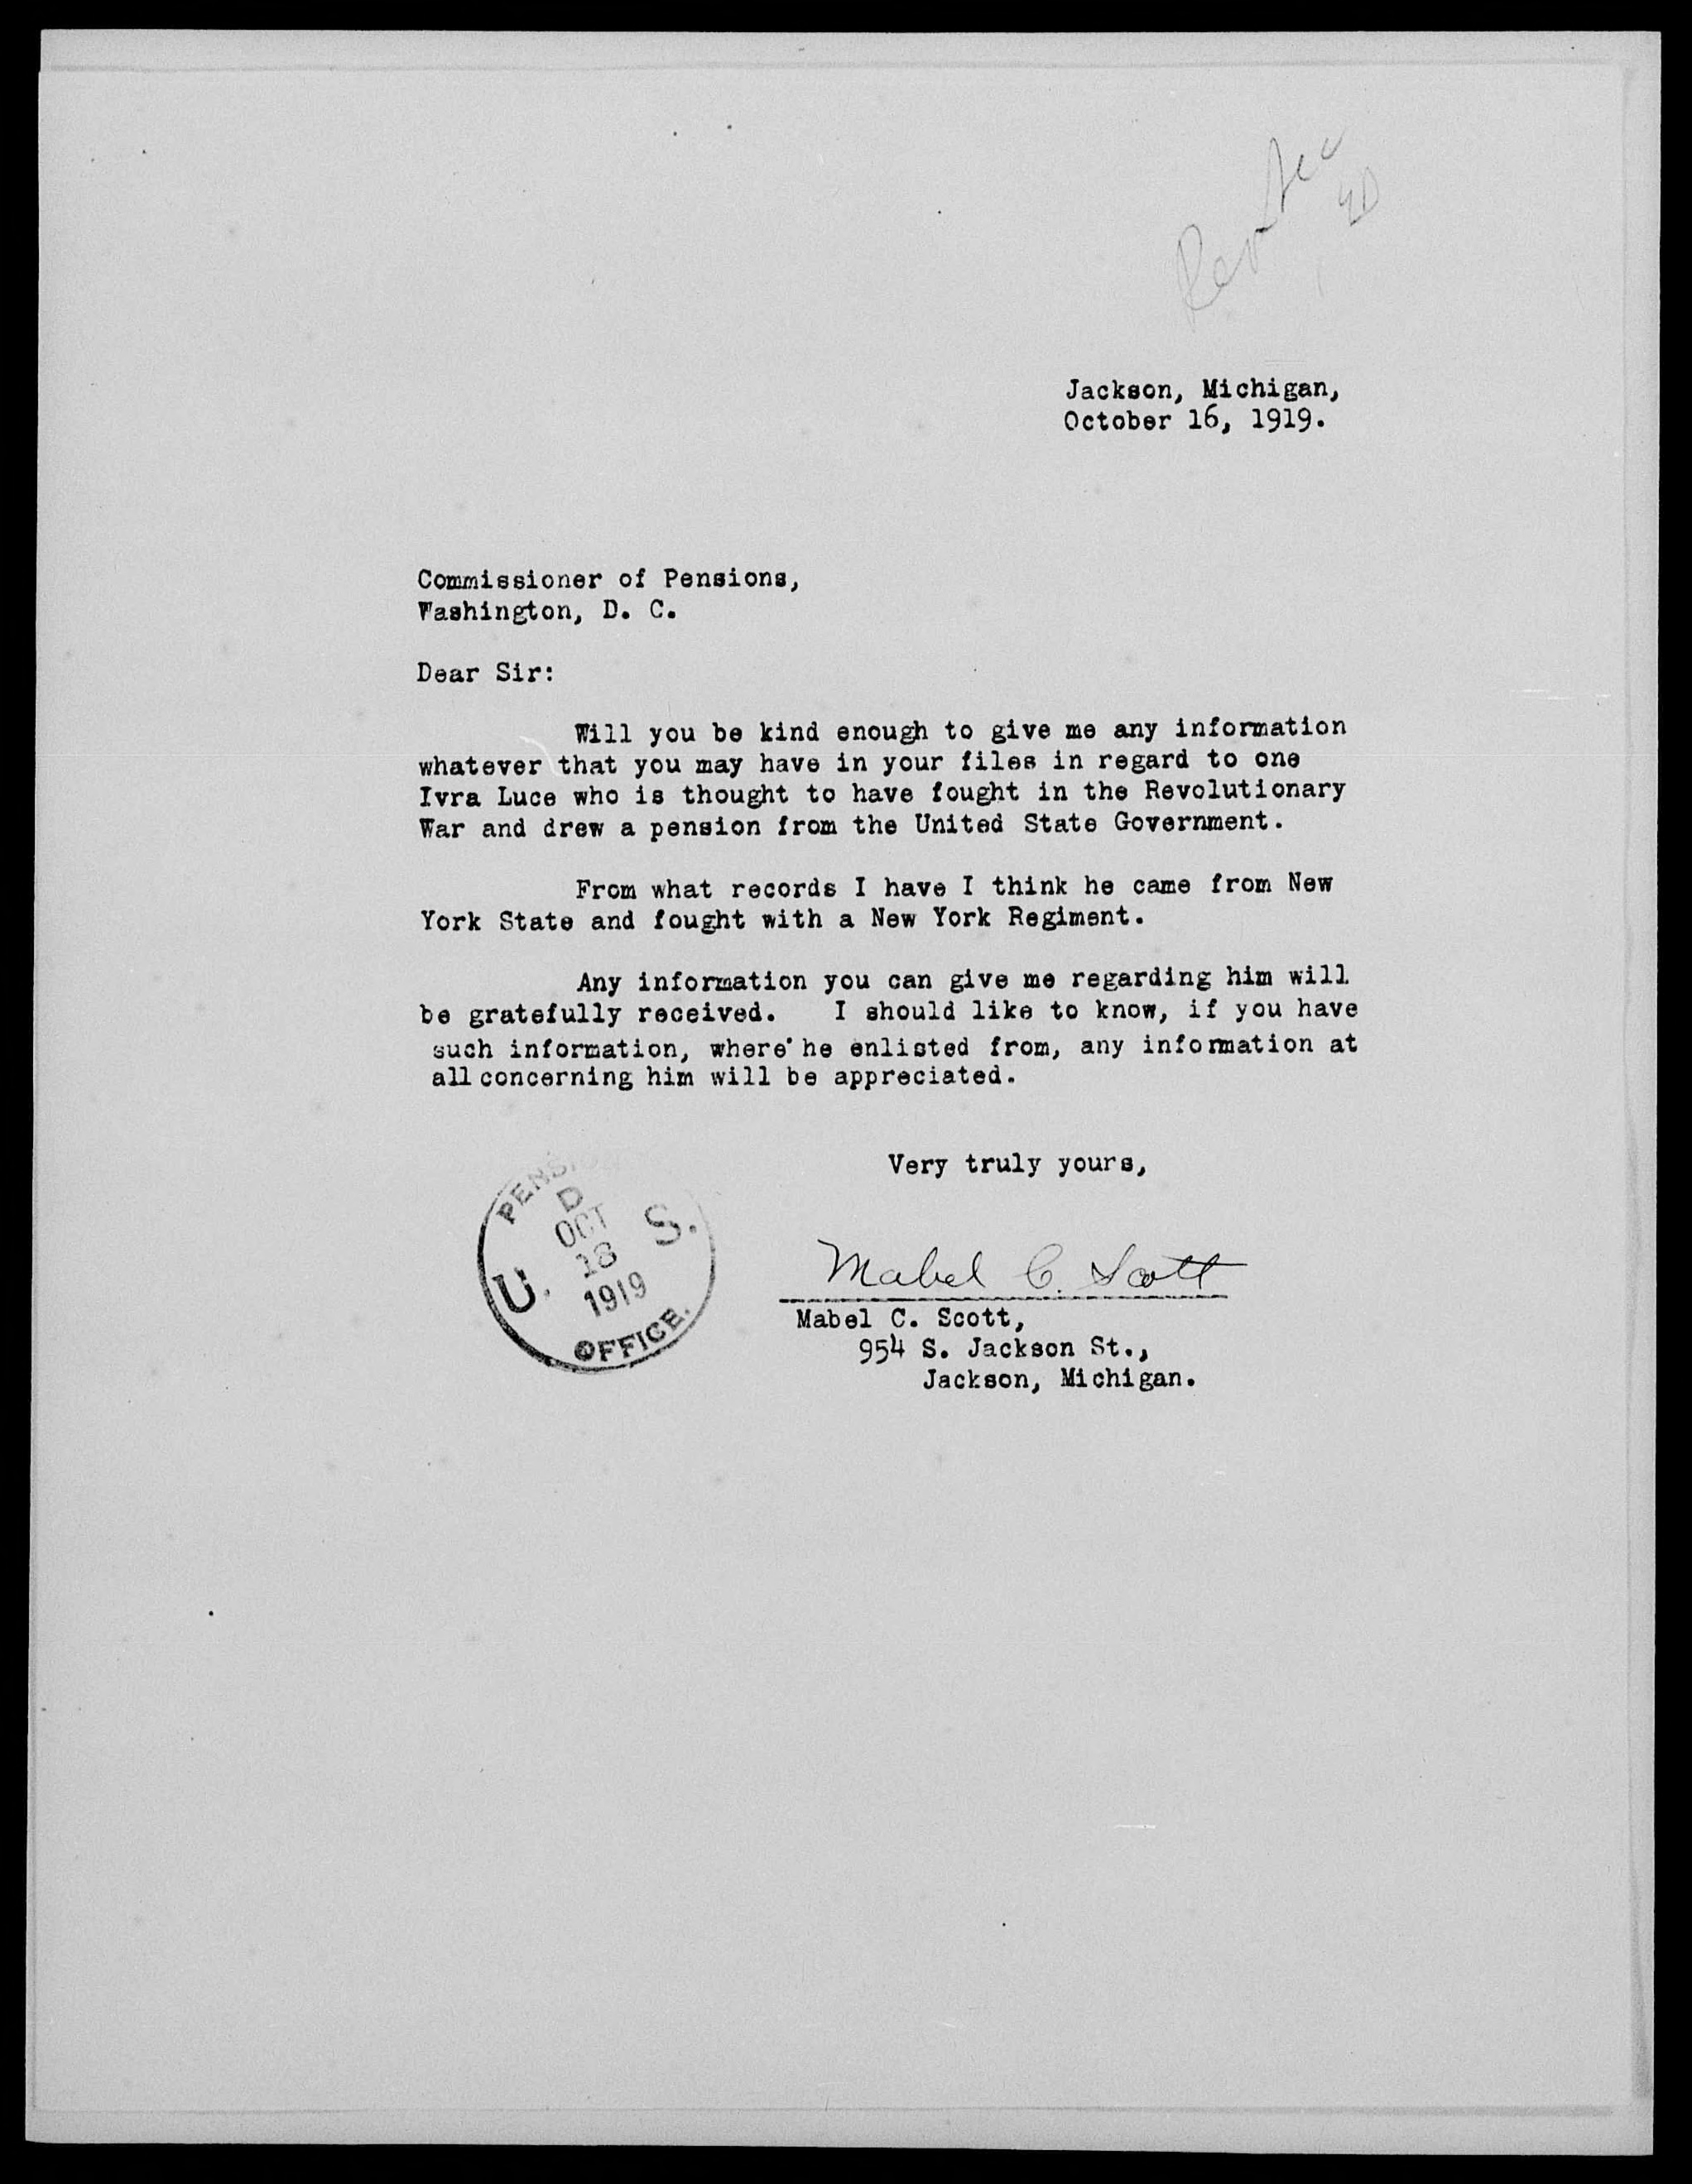Rev Sec  ED

Jackson, Michigan,
October 16, 1919.

Commissioner of Pensions,
Washington, D.C.

Dear Sir:

Will you be kind enough to give me any information whatever that you may have in your files in regard to one Ivra Luce who is thought to have fought in the Revolutionary War and drew a pension from the United State Government.

From what records I have I think he came from New York State and fought with a New York Regiment.

Any information you can give me regarding him will be gratefully received.  I should like to know, if you have such information, where he enlisted from, any information at all concerning him will be appreciated.

Very truly yours,
[signed]
Mabel C. Scott

Mabel C. Scott,
954 S. Jackson St.,
Jackson, Michigan.

[stamped]
U. S. PENSION OFFICE.  OCT 18 1919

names: Mabel C Scott; Ivra Luce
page: 68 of 70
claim: rejected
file: R. 6510, for Israel Luce, New York